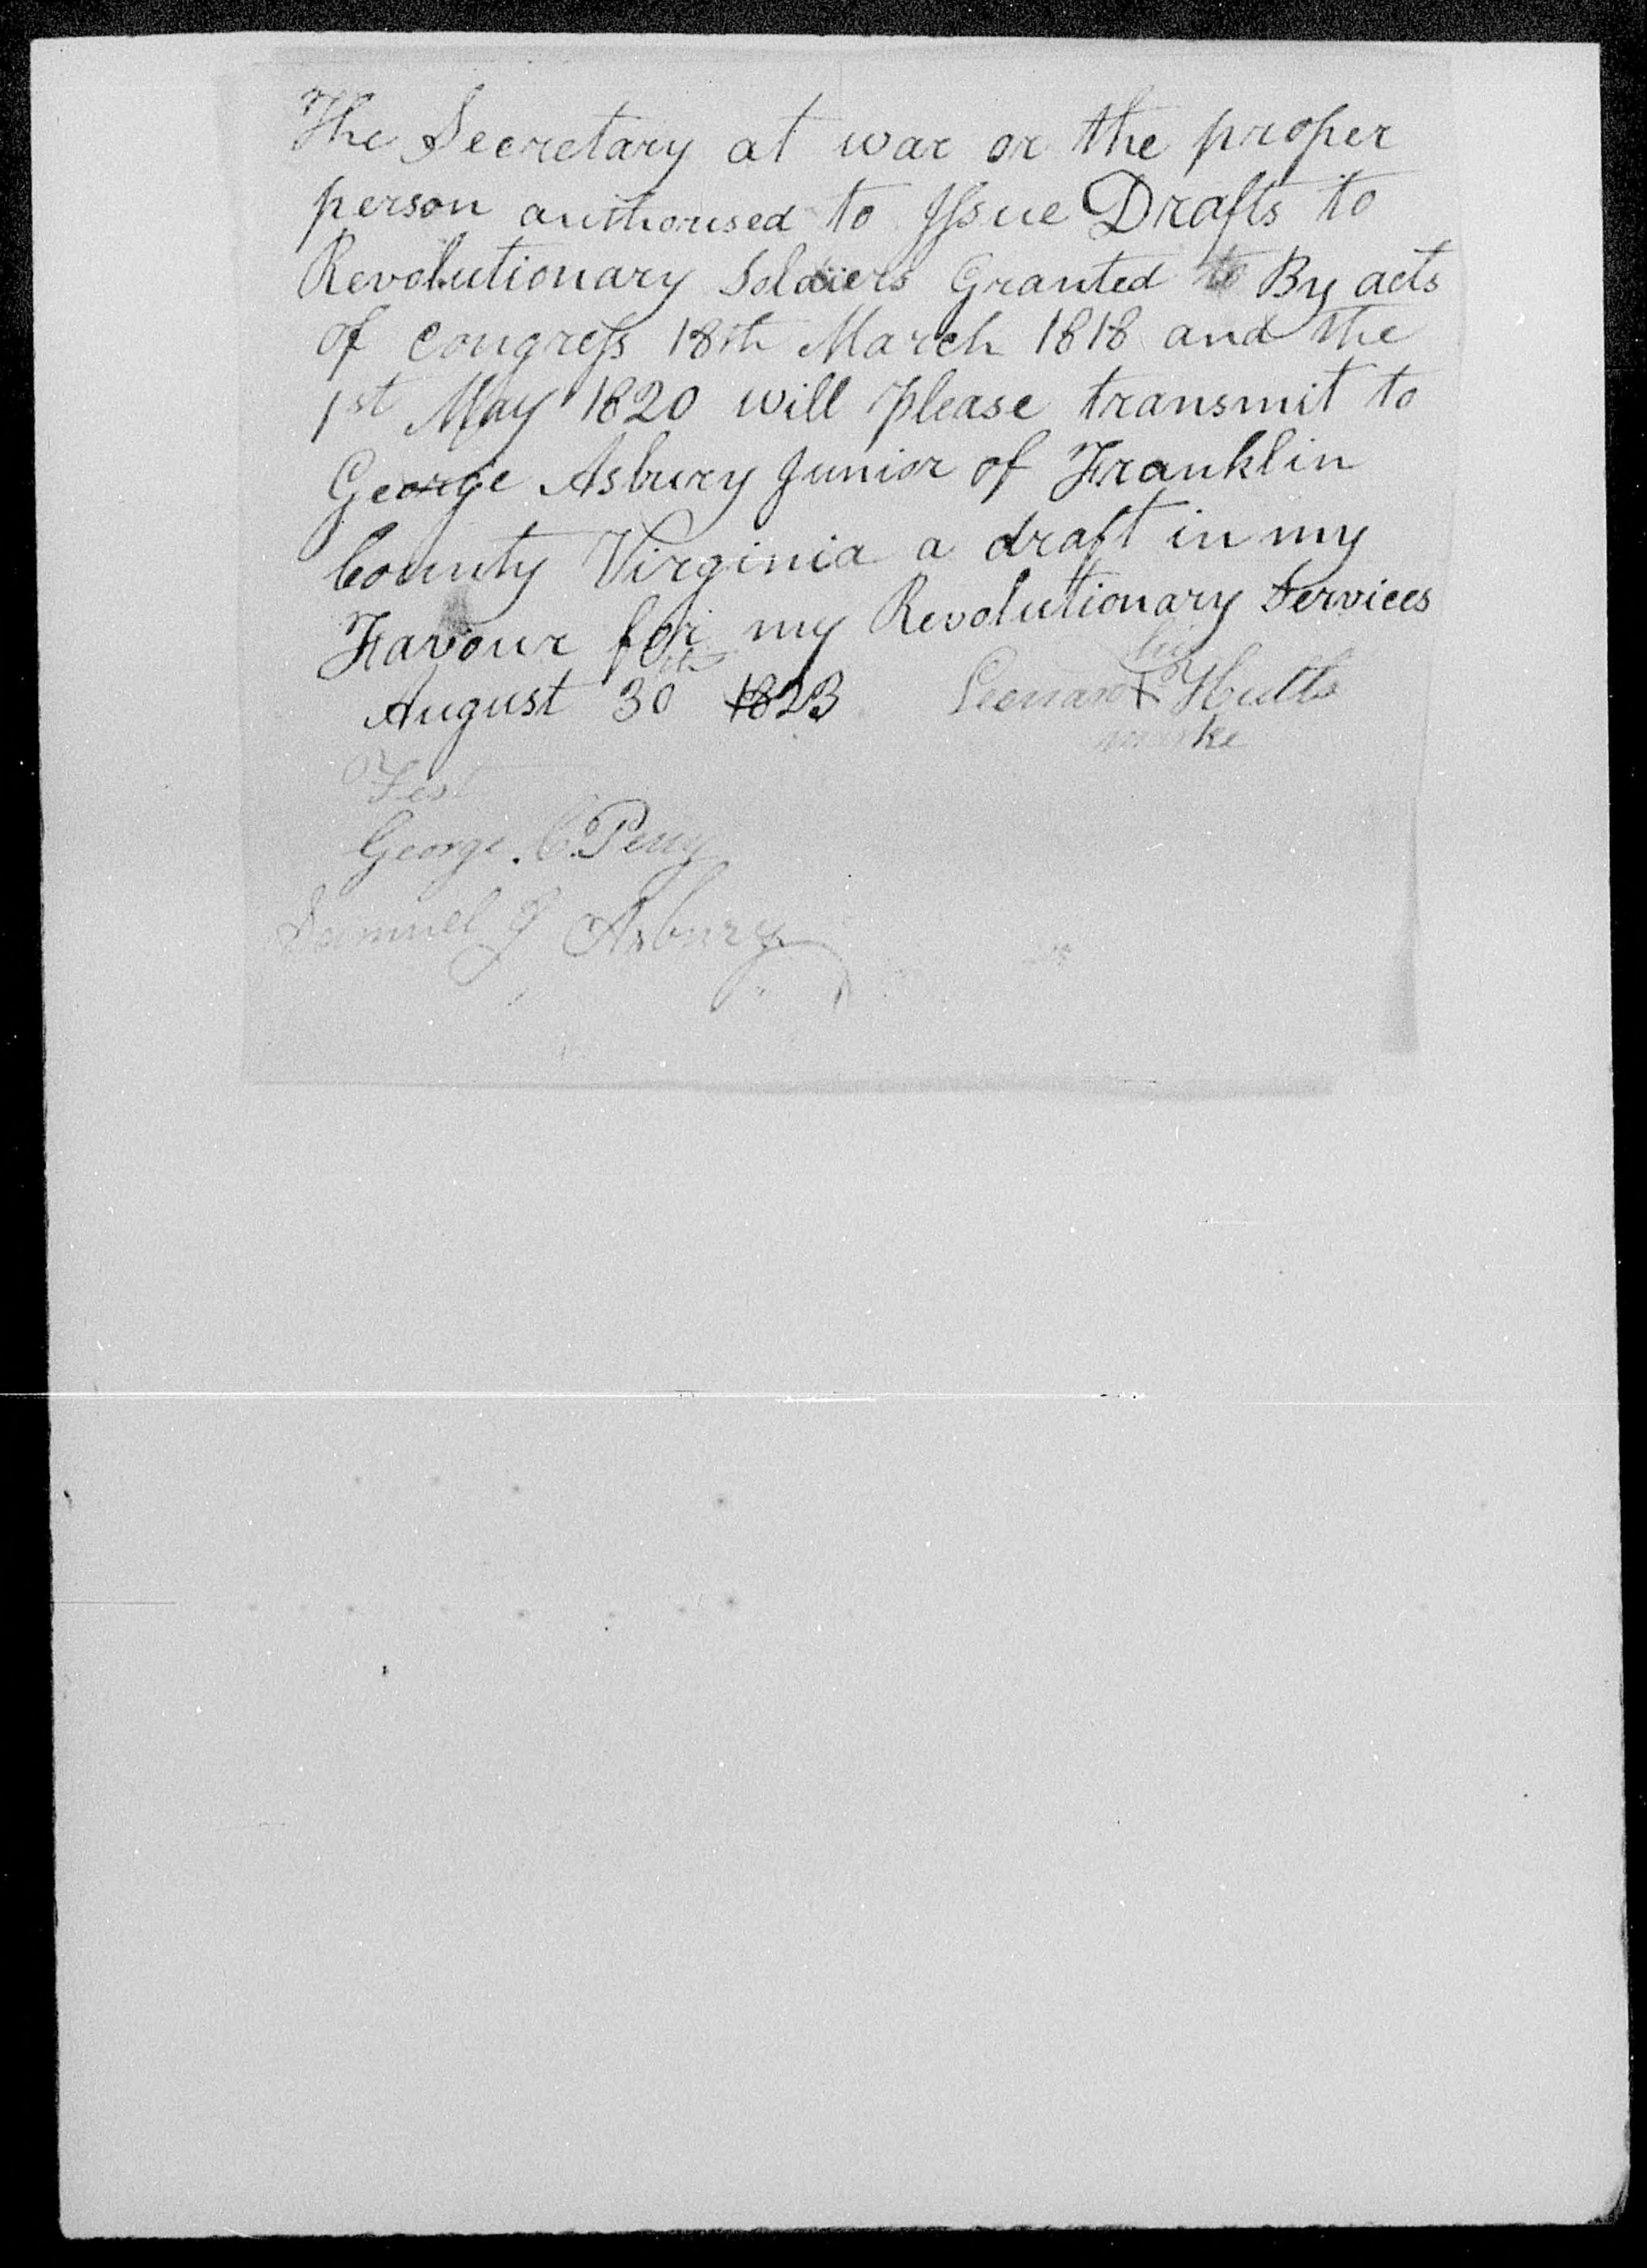The Secretary at war or the proper person authorized to issue Drafts to Revolutionary Soldiers Granted to by acts of Congress 18th March 1818 and the 1st May 1820 will please transmit to George Asbury Junior of Franklin County Virginia a draft in my favour [favor] for my Revolutionary Services August 30 1823.
Leonard [his + mark] Hutts

George C. Perry
Samuel G Asbury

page: 22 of 33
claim: widow's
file: W. 550, for Leonard Hutts, Virginia